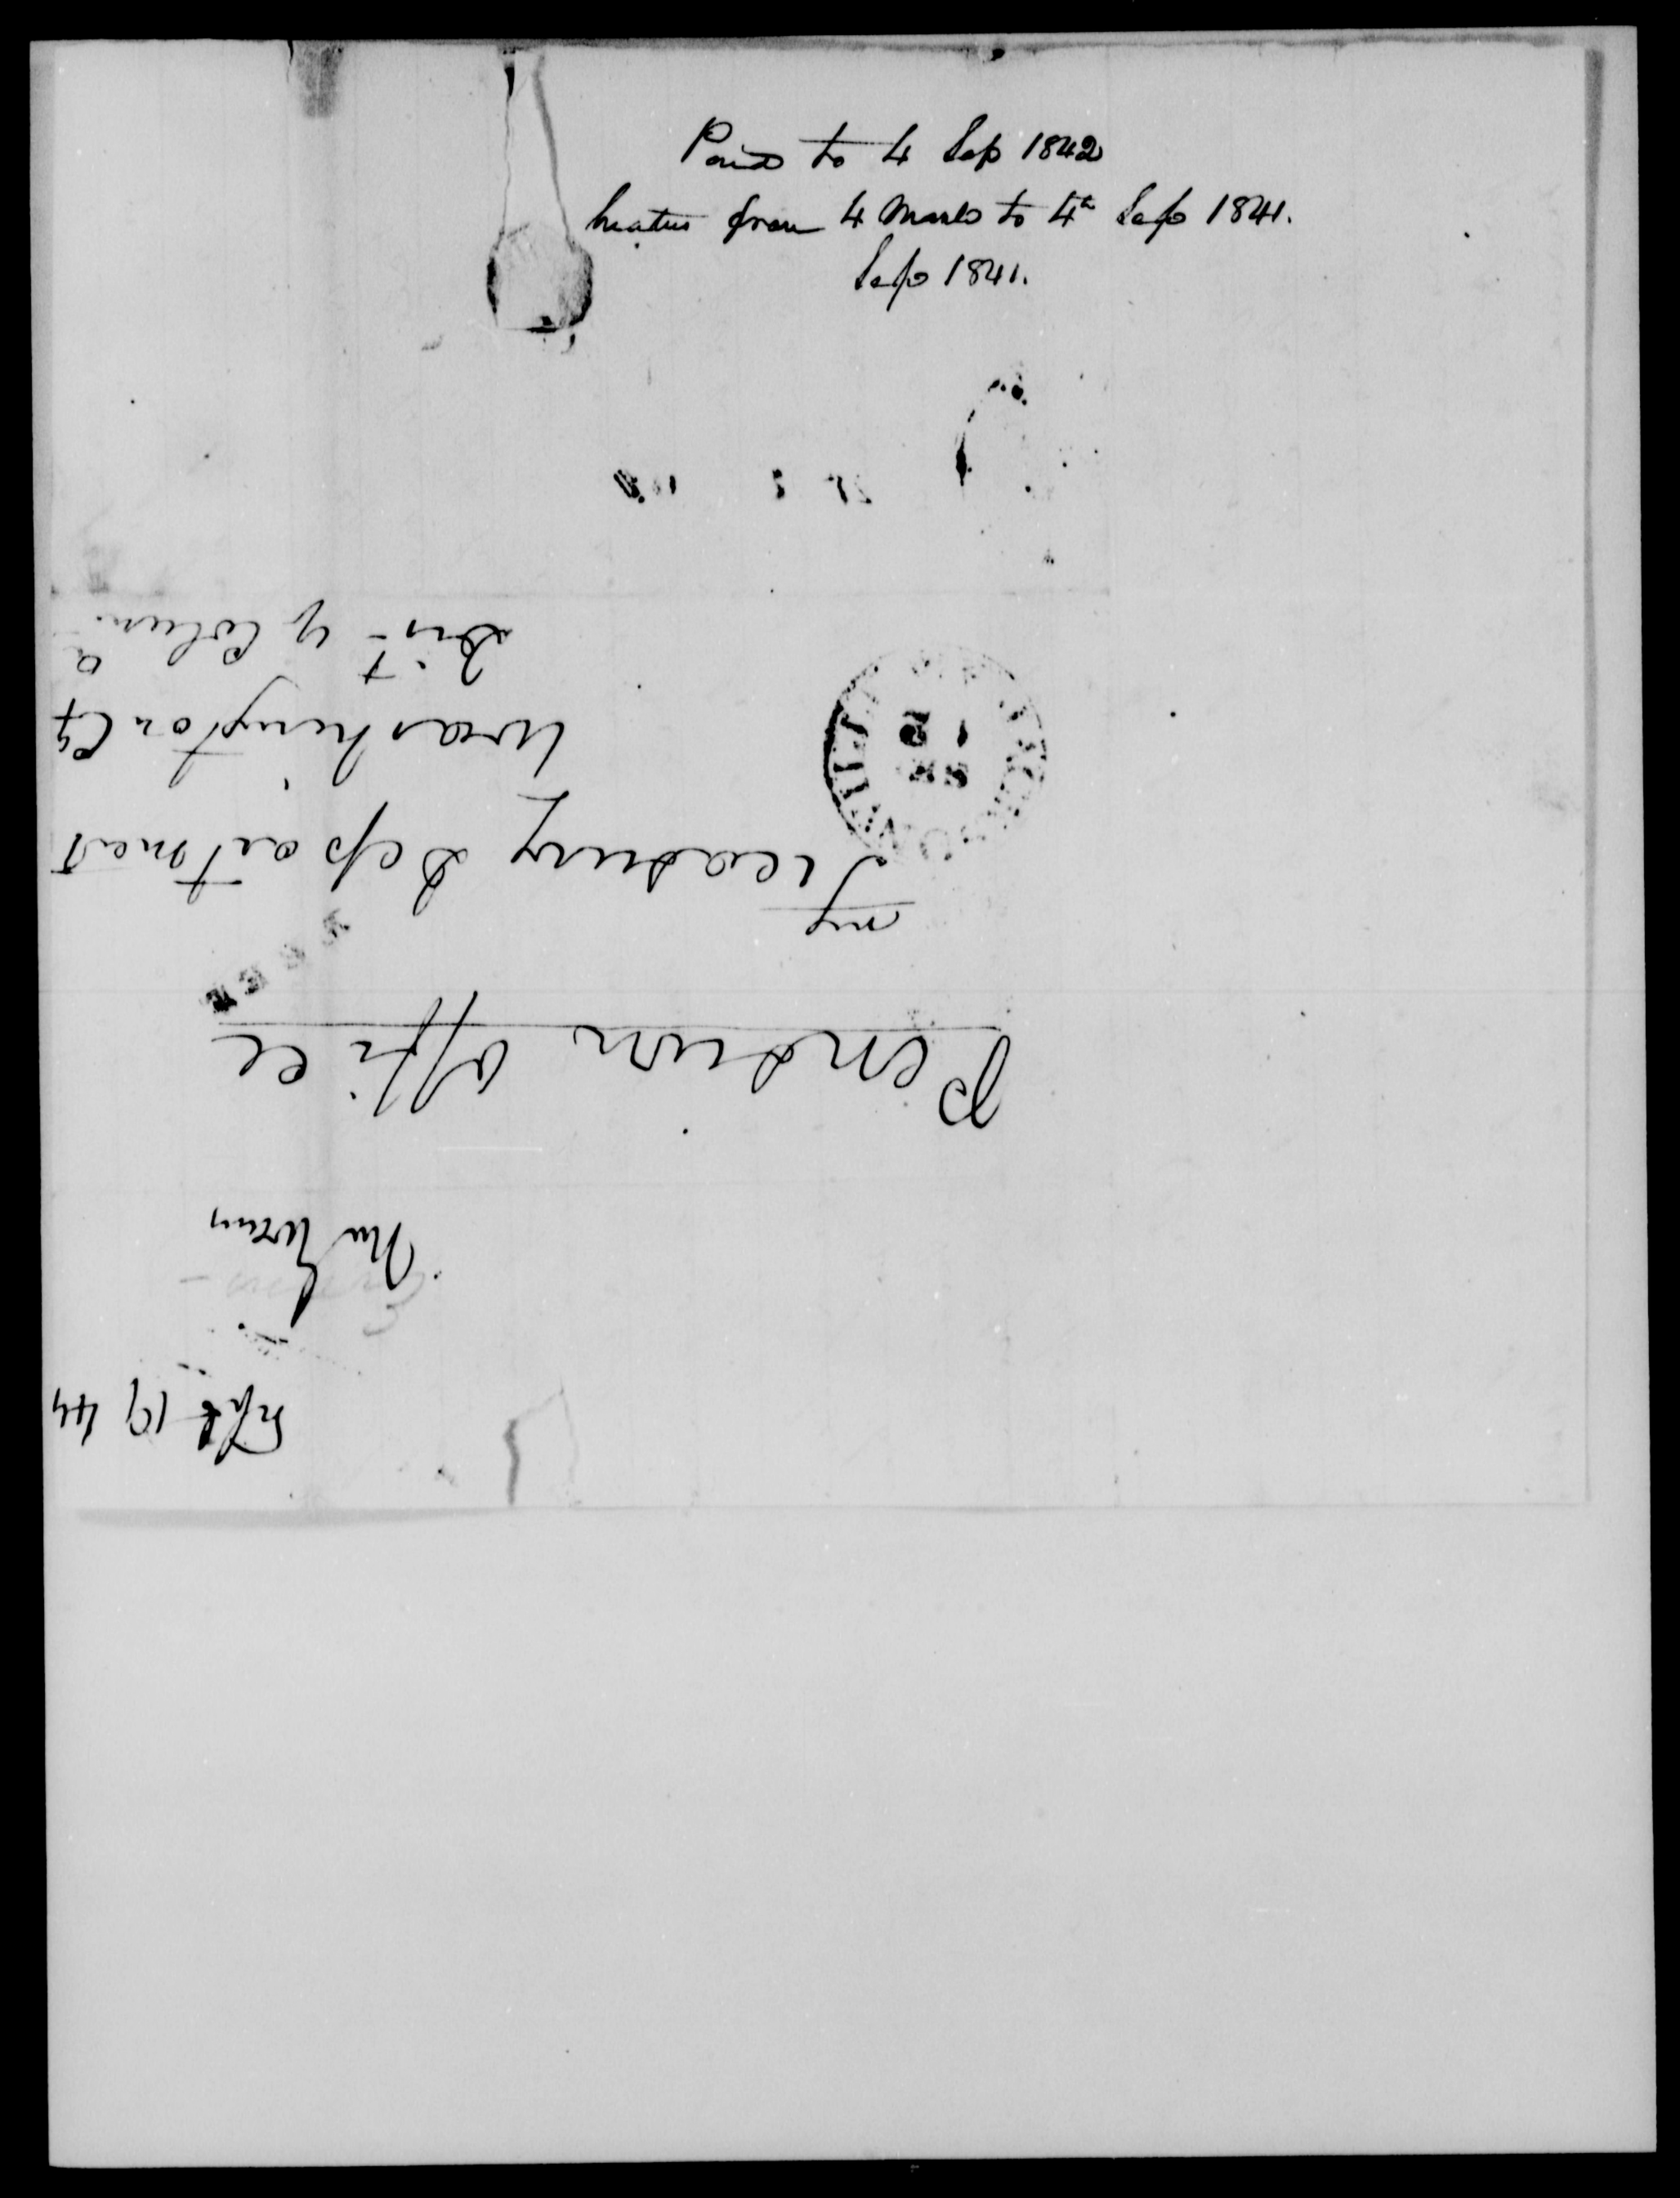Paid to 4 Sep 1842
hiatus from 4 March to 4th Sep 1841
Sep 1841

[Written upside down is the following:]

Sept 19 44
Mr. Evans

Pension Office
Treasury Department
Washington 
Dist of Columa

[The following is in a round ink-stamp, similar to a postmark:]
JACKSONVILLE
SEP
12
[State Abbreviation is too faded to read.]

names: [BLANK] Evans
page: 15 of 17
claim: survivor's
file: S. 11401, for James Simpson, South Carolina